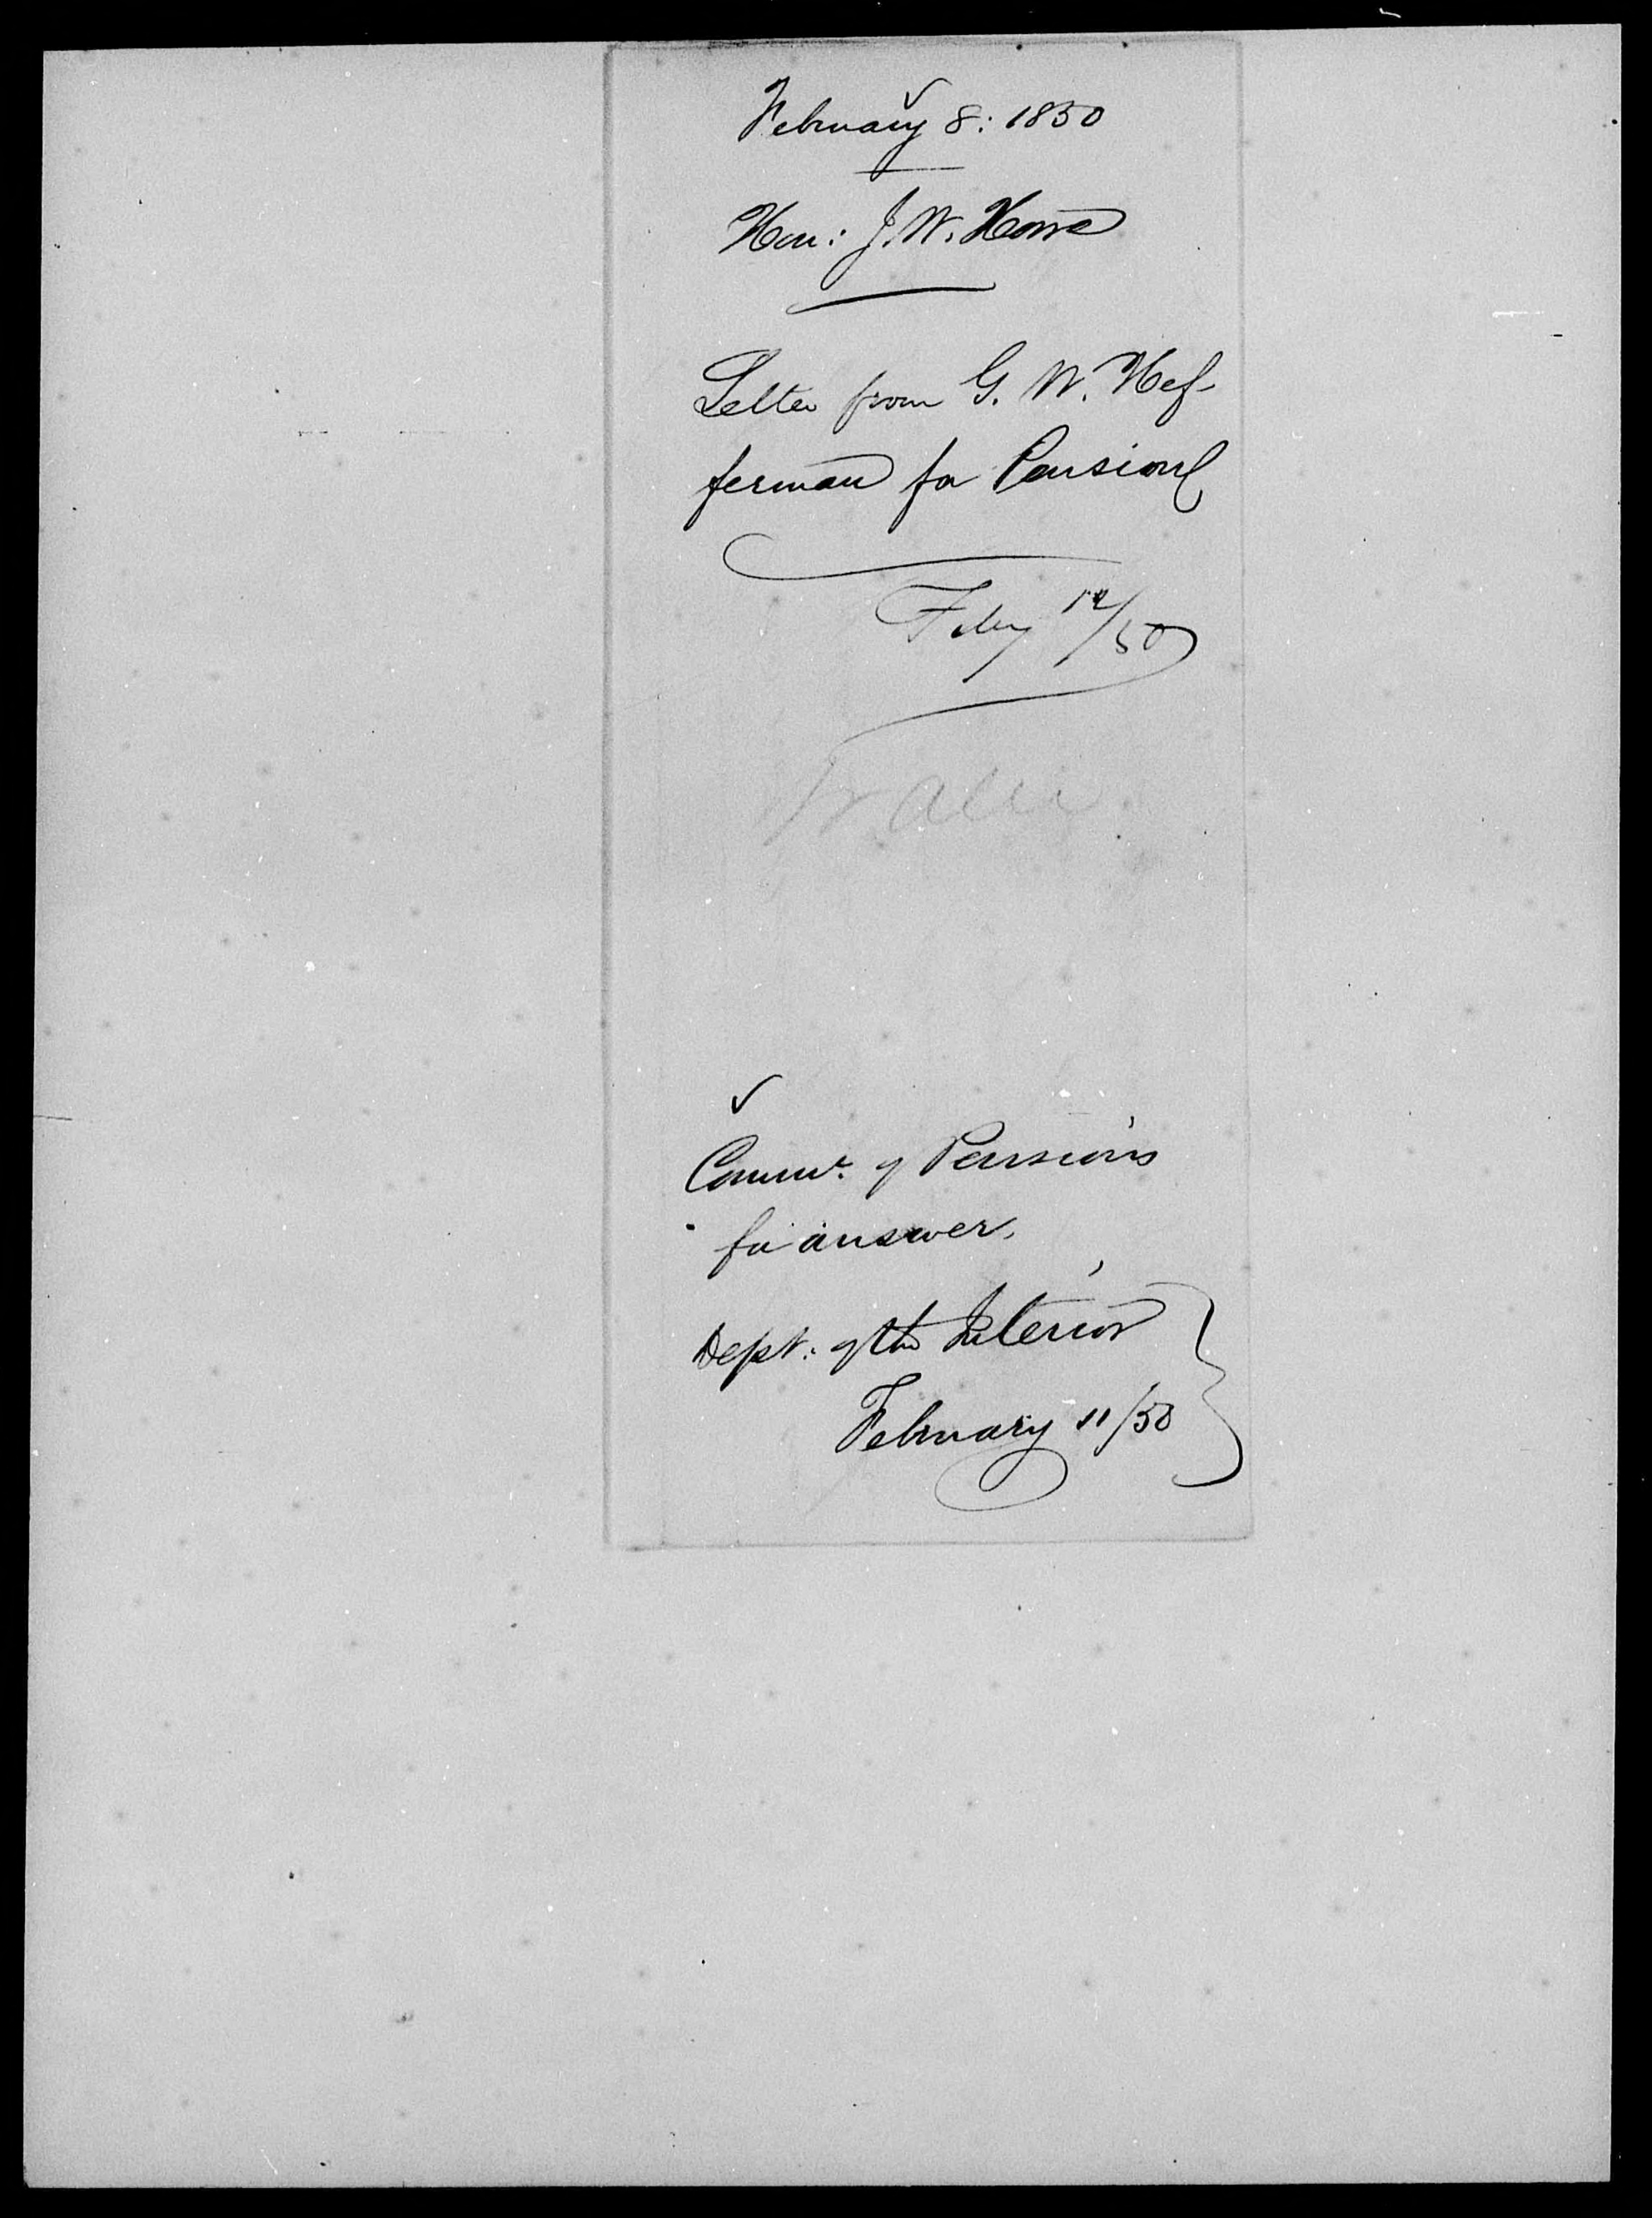February 8, 1850
Hon. J.W Howe

Letter from G. W Hefferman for pension

Feby 12/50
[illegible]

Court of pension for answer
Dept. of the Interior
February 11/50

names: J W Howe, G W Hefferman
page: 15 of 21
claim: rejected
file: R. 4419, Hugh Haffernan, Penn.